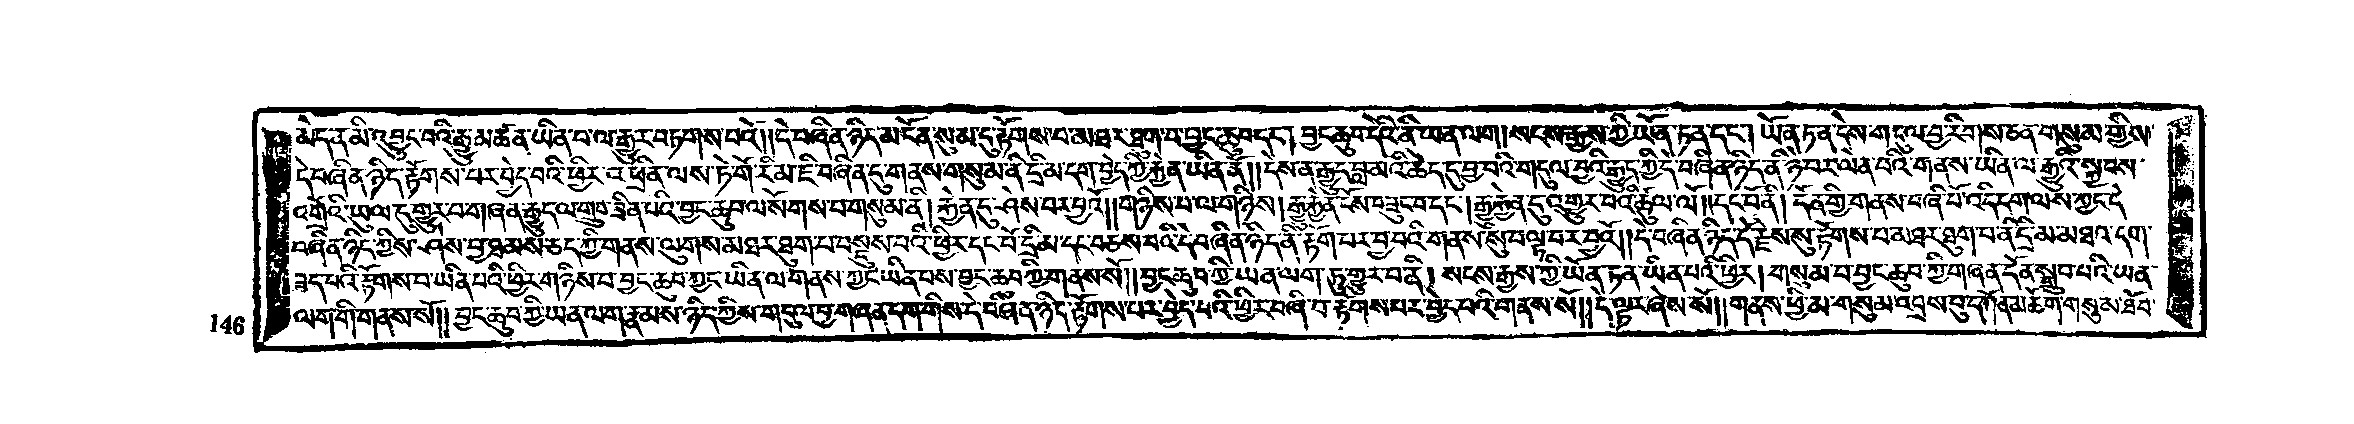མེད་ན་མི་འབྱུང་བའི་རྒྱུ་མཚན་ཡིན་པ་ལ་རྒྱུར་བཏགས་པའོ། །དེ་བཞིན་ཉིད་མངོན་སུམ་དུ་རྟོགས་པ་མཐར་ཐུག་པ་བྱང་ཆུབ་དང་། བྱང་ཆུབ་དེའི་ནི་ཡན་ལག །སངས་རྒྱས་ཀྱི་ཡོན་ཏན་དང་། ཡོན་ཏན་དེས་གདུལ་བྱ་རིགས་ཅན་གསུམ་གྱིས་
དེ་བཞིན་ཉིད་རྟོགས་པར་བྱེད་པའི་ཕྱིར་འཕྲིན་ལས་ཏེ་གོ་རིམ་ཇི་བཞིན་དུ་གནས་གསུམ་ནི་དྲི་མ་དག་བྱེད་ཀྱི་རྐྱེན་ཡིན་ནོ། །དེས་ན་རྒྱུད་བླ་མའི་ཆེད་དུ་བྱ་བའི་གདུལ་བྱའི་རྒྱུད་ཀྱི་དེ་བཞིན་ཉིད་ནི་ཉེ་བར་ལེན་པའི་གནས་ཡིན་ལ་རྒྱུའི་སྐྱབས་
འགྲོའི་ཡུལ་དུ་གྱུར་པ་གཞན་རྒྱུད་ལ་གྲུབ་ཟིན་པའི་བྱང་ཆུབ་ལ་སོགས་པ་གསུམ་ནི། རྐྱེན་དུ་ཤེས་པར་བྱའོ། །གཉིས་པ་ལ་གཉིས། རྒྱུ་རྐྱེན་ངོས་བཟུང་བ་དང་། རྒྱུ་རྐྱེན་དུ་འགྱུར་བའི་ཚུལ་ལོ། །དང་པོ་ནི། དོན་གྱི་གནས་བཞི་པོ་འདི་དག་ལས་ཀྱང་དེ་
བཞིན་ཉིད་ཀྱིས་ཤེས་བྱ་ཐམས་ཅད་ཀྱི་གནས་ལུགས་མཐར་ཐུག་པ་བསྡུས་པའི་ཕྱིར་དང་པོ་དྲི་མ་དང་བཅས་པའི་དེ་བཞིན་ཉིད་ནི་རྟོག་པར་བྱ་བའི་གནས་སུ་བལྟ་བར་བྱའོ། །དེ་བཞིན་ཉིད་དོ་རྗེས་སུ་རྟོགས་པ་མཐར་ཐུག་པ་ནི་དྲི་མ་མཐའ་དག་
ཟད་པའི་རྟོགས་པ་ཡིན་པའི་ཕྱིར་གཉིས་པ་བྱང་ཆུབ་ཀྱང་ཡིན་ལ་གནས་ཀྱང་ཡིན་པས་བྱང་ཆུབ་ཀྱི་གནས་སོ། །བྱང་ཆུབ་ཀྱི་ཡན་ལག་ཏུ་གྱུར་པ་ནི། སངས་རྒྱས་ཀྱི་ཡོན་ཏན་ཡིན་པའི་ཕྱིར། གསུམ་པ་བྱང་ཆུབ་ཀྱི་གཞན་དོན་སྒྲུབ་པའི་ཡན་
ལག་གི་གནས་སོ། །བྱང་ཆུབ་ཀྱི་ཡན་ལག་རྣམས་ཉིད་ཀྱིས་གདུལ་བྱ་གཞན་དག་གིས་དེ་བཞིན་ཉིད་རྟོགས་པར་བྱེད་པའི་ཕྱིར་བཞི་པ་རྟོགས་པར་བྱེད་པའི་གནས་སོ། །དེ་ལྟར་ཞེས་སོ། །གནས་ཕྱི་མ་གསུམ་འབྲས་བུ་དཀོན་མཆོག་གསུམ་ཐོབ་